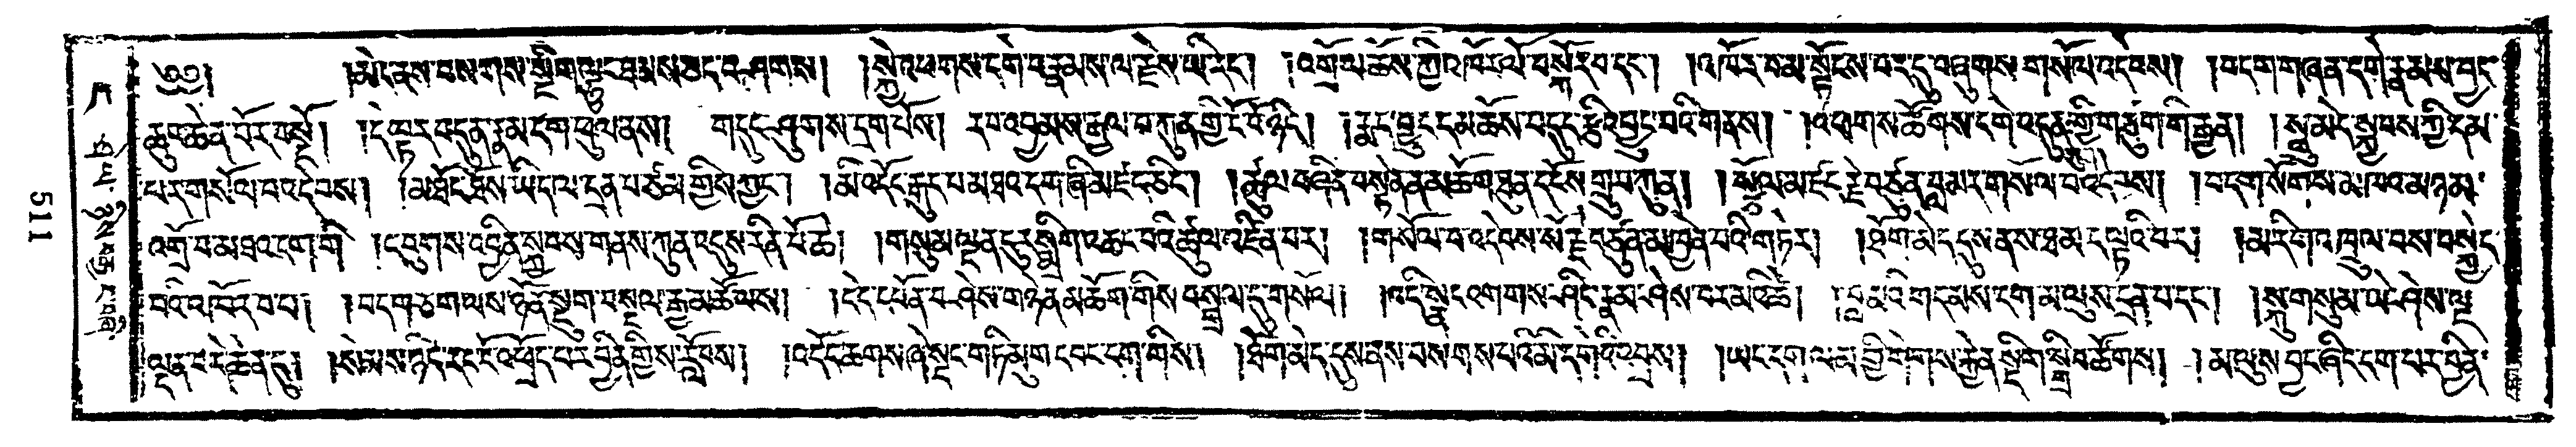༄༅། །མེད་ནས་བསགས་སྡིག་ལྟུང་ཐམས་ཅད་བཤགས། །སྐྱེ་འཕགས་དགེ་བ་རྣམས་ལ་རྗེས་ཡི་རང་། །འགྲོ་ལ་ཆོས་ཀྱི་འཁོར་ལོ་བསྐོར་བ་དང་། །འཁོར་བ་མ་སྟོངས་བར་དུ་བཞུགས་གསོལ་འདེབས། །བདག་གཞན་དགེ་རྣམས་བྱང་
ཆུབ་ཆེན་པོར་བསྔོ། །དེ་ལྟར་བདུན་རྣམ་དག་ཕུལ་ནས། གདུང་ཤུགས་དྲག་པོས། རབ་འབྱམས་རྒྱལ་བ་ཀུན་གྱི་ངོ་བོ་ཉིད། །རྨད་བྱུང་དམ་ཆོས་བདུད་རྩི་འབྱུང་བའི་གནས། །འཕགས་ཚོགས་དགེ་འདུན་གྱི་གཙུག་གི་རྒྱན། །སླུ་མེད་སྐྱབས་ཀྱི་དམ་
པར་གསོལ་བ་འདེབས། །མཐོང་ཐོས་ཡིད་ལ་དྲན་པ་ཙམ་གྱིས་ཀྱང་། །མི་འདོད་རྒུད་པ་མཐའ་དག་ཞི་མཛད་ཅིང་། །ཚུལ་བཞིན་བསྟེན་ན་མཆོག་ཐུན་དངོས་གྲུབ་ཀུན། །སྩོལ་མཛད་རྗེ་བཙུན་བླ་མར་གསོལ་བ་འདེབས། །བདག་སོགས་མཁའ་མཉམ་
འགྲོ་བ་མཐའ་དག་གི །དབུགས་འབྱིན་སྐྱབས་གནས་ཀུན་འདུས་རིན་པོ་ཆེ། །གསུམ་ལྡན་དུར་སྨྲིག་འཆང་བའི་ཚུལ་འཛིན་པར། །གསོལ་བ་འདེབས་སོ་རྗེ་བཙུན་མཁྱེན་པའི་གཏེར། །ཐོག་མེད་དུས་ནས་ཐ་མ་ད་ལྟའི་བར། །མ་རིག་འཁྲུལ་བས་བསྐྱེད་
བའི་འཁོར་བ་པ། །བདག་ཅག་ལས་ཉོན་སྡུག་བསྔལ་རྒྱ་མཚོ་ལས། །དེད་དཔོན་བཤེས་གཉེན་མཆོག་གིས་བསྒྲལ་དུ་གསོལ། །འདི་སྣང་འགགས་ཤིང་རྣམ་ཤེས་བར་མའི་ཚེ། །བླ་མའི་གདམས་ངག་མ་ལུས་དྲན་པ་དང་། །སྐུ་གསུམ་ཡེ་ཤེས་ལྔ་
ལྡན་བདེ་ཆེན་དུ། །སེམས་ཉིད་རང་ངོ་འཕྲོད་པར་བྱིན་གྱིས་རློབས། །འདོད་ཆགས་ཞེ་སྡང་གཏི་མུག་དབང་དག་གིས། །ཐོག་མེད་དུས་ནས་བསགས་པའི་མི་དགེའི་འབྲས། །ཡང་དག་ལམ་གྱི་གེགས་རྐྱེན་སྡིག་སྒྲིབ་ཚོགས། །མ་ལུས་བྱང་ཞིང་དག་པར་བྱིན་